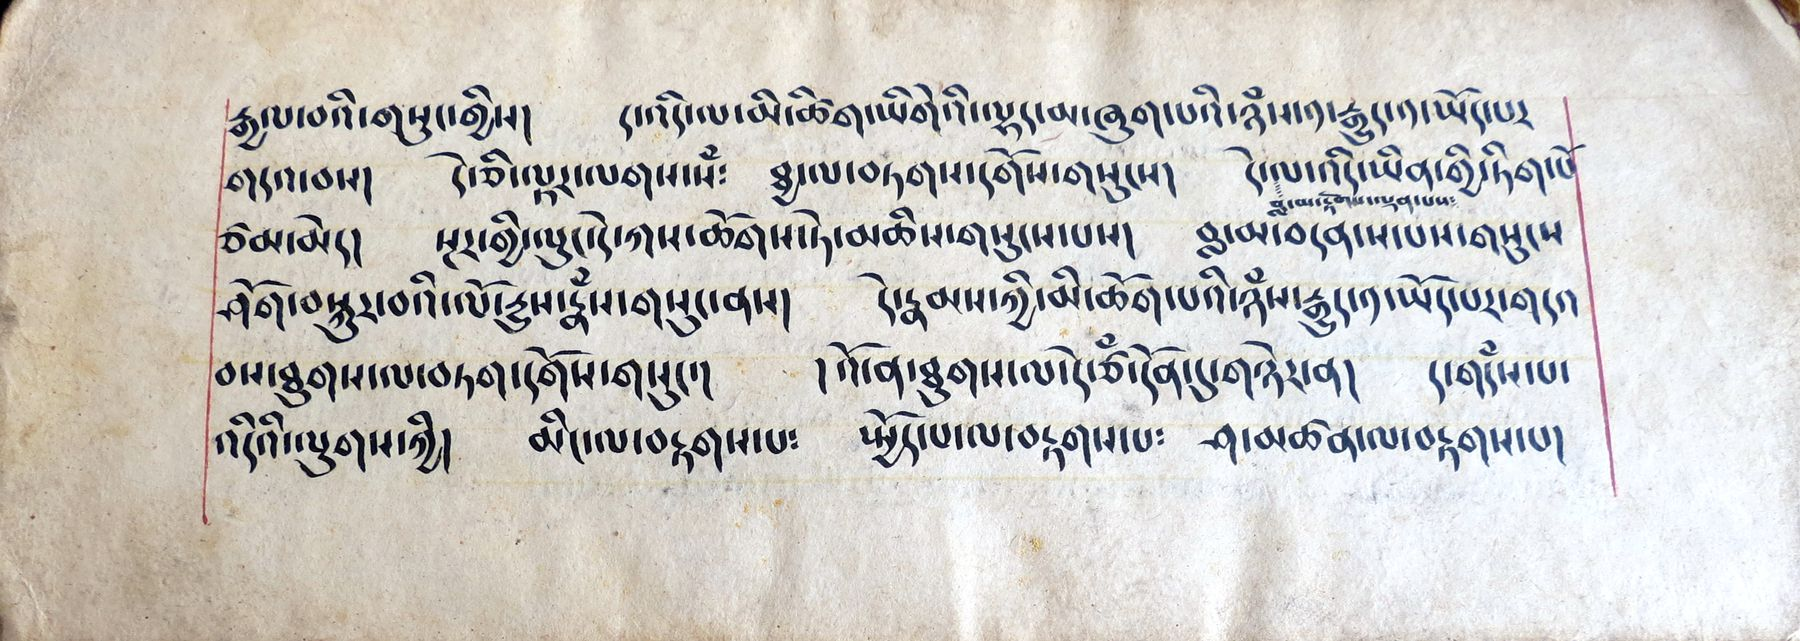རྒྱལ་བའི་གསུང་གིས། ད་འདི་ལ་མི་ཚིག་ཡི་གེའི་ལྷད་མ་ཞུགས་པའི་ཉམས་རྒྱུད་ཅིག་ཡོད་པར་
གདའ་བས། དེ་ཇི་ལྟར་ལགས་སམ། ཐུགས་ལ་བཏགས་དགོས་གསུངས། དེ་ལ་འདི་ཡིན་གྱི་ཏིག་པོ་
ཙམ་མེད། སྔར་གྱི་ལུང་དེ་ཀས་ཆོག་སྟེ་མཆིས་གསུངས་ནས། བླ་མ་གདན་ས་བས་གསུངས་
ཤོག་གནང་བའི་ལོ་རྒྱུས་རྣམས་གསུངས་ནས། དེ་རྣམས་ཀྱིས་མི་ཆོག་པའི་ཉམས་རྒྱུད་ཅིག་ཡོད་པར་གདའ་
བས་ཐུགས་ལ་བཏགས་དགོས་གསུངས། འོ་ན་ཐུགས་ལ་དེ་ཙམ་དོན་དུ་གཉེར་ན། ད་གདམས་པ་
འདིའི་ལུགས་ཀྱིས། མིང་ལ་བརྟག་པ། སྤྱོད་པ་ལ་བརྟག་པ། ཤ་མཚན་ལ་བརྟགས་པ།